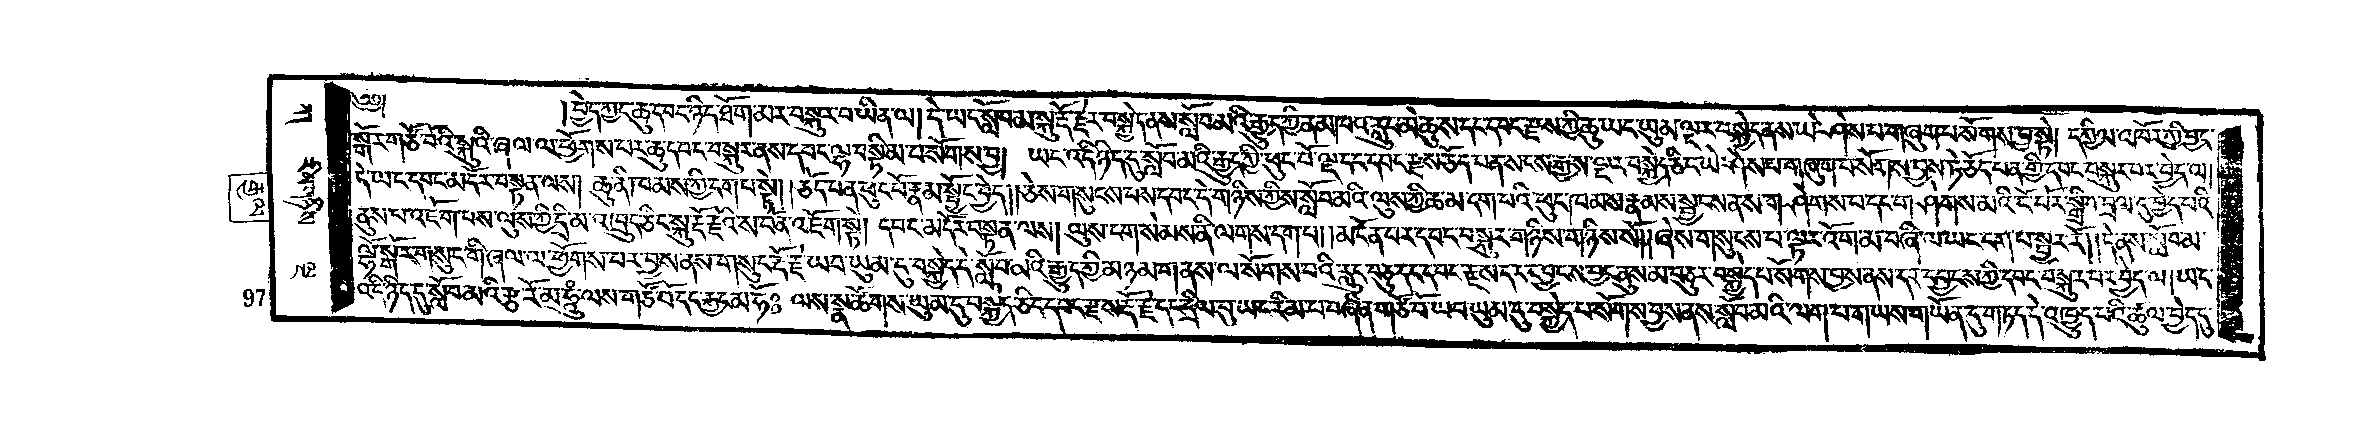༄༅། །བྱེད་ཀྱང་ཆུ་དབང་ཉིད་ཐོག་མར་བསྐུར་བ་ཡིན་ལ། དེ་ཡང་སློབ་མ་སྐུ་རྡོ་རྗེར་བསྐྱེད་ནས་སློབ་མའི་རྒྱུད་ཀྱི་ནམ་མཁའ་རླུང་མེ་ཆུ་ས་དང་དབང་རྫས་ཀྱི་ཆུ་ཡང་ཡུམ་ལྔར་བསྐྱེད་ནས་ཡེ་ཤེས་པ་གཞུག་པ་སོགས་བྱ་སྟེ། དཀྱིལ་འཁོར་གྱི་བྱང་
སྒོར་གཙོ་བོའི་སྐུའི་ཞལ་ལ་ཕྱོགས་པར་ཆུ་དབང་བསྐུར་ནས་དབང་ལྷ་བསྟིམ་པ་སོགས་བྱ། ཡང་འདི་ཉིད་དུ་སློབ་མའི་རྒྱུད་ཀྱི་ཕུང་པོ་ལྔ་དང་དབང་རྫས་ཅོད་པ་ན་སངས་རྒྱས་ལྔར་བསྐྱེད་ཅིང་ཡེ་ཤེས་པ་གཞུག་པ་སོགས་བྱས་ཏེ་ཅོད་པན་གྱི་དབང་བསྐུར་བར་བྱེད་ལ།
དེ་ཡང་དབང་མདོར་བསྟན་ལས། ཆུ་ནི་ཁམས་ཀྱི་དག་པ་སྟེ། །ཅོད་པན་ཕུང་པོ་རྣམ་སྦྱོང་བྱེད། །ཅེས་གསུངས་པས་དབང་དེ་གཉིས་ཀྱིས་སློབ་མའི་ལུས་ཀྱི་ཆ་མ་དག་པའི་ཕུང་ཁམས་རྣམས་སྦྱངས་ནས་གཤེགས་པ་དང་གཤེགས་མའི་ངོ་བོར་སྒྲིབ་བྲལ་དུ་བྱེད་པའི་
ནུས་པ་འཇོག་པས་ལུས་ཀྱི་དྲི་མ་འཁྲུད་ཅིང་སྐུ་རྡོ་རྗེའི་ས་བོན་འཇོག་སྟེ། དབང་མདོར་བསྟན་ལས། ལུས་ངག་སེམས་ནི་ལགས་དག་པ། །མངོན་པར་དབང་བསྐུར་གཉིས་གཉིས་སོ། །ཞེས་གསུངས་པ་ལྟར་འོག་མ་བཞི་ལ་ཡང་དག་པ་སྦྱར་རོ། །དེ་ནས་སློབ་མ་
ལྷོ་སྒོར་གསུང་གི་ཞལ་ལ་ཕྱོགས་པར་བྱས་ནས་གསུང་རྡོ་རྗེ་ཡབ་ཡུམ་དུ་བསྐྱེད་དེ་སློབ་མའི་རྒྱུད་ཀྱི་མཉམ་གནས་ལ་སོགས་པའི་རླུང་བཅུ་དང་དབང་རྫས་དང་དབྱངས་བྱང་ནུས་མ་བཅུར་བསྐྱེད་པ་སོགས་བྱས་ནས་དར་དབྱངས་ཀྱི་དབང་བསྐུར་བར་བྱེད་ལ། ཡང་
འདི་ཉིད་དུ་སློབ་མའི་རྩ་རོ་མ་ཧཱུཾ་ལས་གཙོ་བོ་དང་རྐྱང་མ་ཧོཿ ལས་སྣ་ཚོགས་ཡུམ་དུ་བསྐྱེད་ཅིང་དབང་རྫས་རྡོ་རྗེ་དང་དྲིལ་བུ་ཡང་རིམ་པ་བཞིན་གཙོ་བོ་ཡབ་ཡུམ་དུ་བསྐྱེད་པ་སོགས་བྱས་ནས་སློབ་མའི་ལག་པ་གཡས་གཡོན་དུ་གཏད་དེ་འཁྱུད་པའི་ཚུལ་བྱེད་དུ་